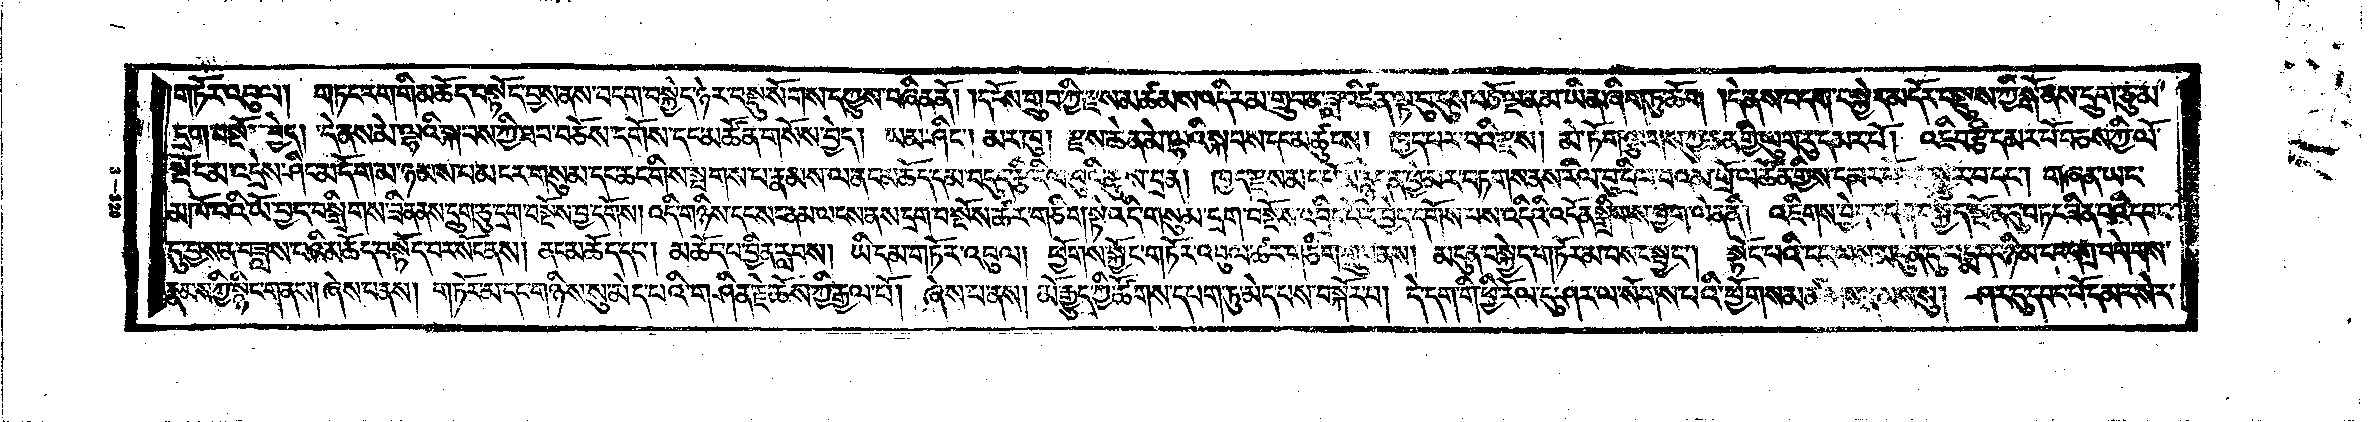གཏོར་འབུལ། གཏང་རག་གི་མཆོད་བསྟོད་བྱས་ནས་བདག་བསྐྱེད་ཉེར་བསྡུ་སོགས་དཀྱུས་བཞིན་ནོ། །དངོས་གྲུབ་ཀྱི་རྫས་མཚམས་འདིར་མ་གྲུབ་ན་ཟླ་འཛིན་ལྟ་བུ་དུས་བཅོ་ལྡན་མ་ཡིན་ཞིག་ཏུ་ཆོག །དེ་ནས་བདག་བསྐྱེད་མདོར་བསྡུས་ཀྱི་སྒོ་ནས་དྲུག་ཅུ་མ་
དྲག་བསྔོ་བྱེད། དེ་ནས་མེ་ལྷའི་སྐབས་ཀྱི་ཐབ་བཅོས་དགོས་དང་མཚོན་གསོས་བྱེད། ཡམ་ཤིང་། མར་ཁུ། རྫས་ཆེན་མེ་ལྷའི་སྐབས་དང་མཚུངས། ཁྱད་པར་བའི་རྫས། མེ་ཏོག་ལྕགས་ཀྱུ་ཅན་གྱི་ལུག་རུ་དམར་པོ། འཇིབ་རྩི་དམར་པོ་བཅས་ཀྱི་ལོ་
སྡོང་མ་འདྲེས་ཤིང་མདོག་མ་ཉམས་པ་མངར་གསུམ་དང་ཆང་གིས་སྤགས་པ་རྣམས་ལ་ནང་མཆོད་དམ་བདུད་རྩིའི་ལ་བུའི་ཆུས་བྲན། ཁྱད་རྫས་མང་པོ་མ་རྙེད་ན་ཕྱེ་མར་བཏགས་ནས་རིལ་བུ་དྲིལ་བའམ་གྲོ་ལ་ཚོན་གྱིས་དམར་པོར་བསྒྱུར་བ་དང་། གཞན་ཡང་
མཁོ་བའི་ཡོ་བྱད་བསྒྲིགས་ཟིན་ནས་དྲུག་ཅུ་དྲག་བསྔོས་བྱ་དགོས། འདི་གཉིས་དང་སང་ནམ་ལངས་ནས་དྲག་བསྔོས་ཚར་གཅིག་སྟེ་འདི་གསུམ་དྲག་བསྔོས་འབྲིང་པོར་བྱེད་དགོས་པས་འདིའི་འདོན་སྒྲིགས་ཕྱག་ལེན་ནི། འཇིགས་བྱེད་བདག་བསྐྱེད་སྔོན་དུ་བཏང་ཟིན་པའི་དབང་
དུ་བྱས་ན་བཟླས་པའི་མཆོད་བསྟོད་པར་སོང་ནས། ནང་མཆོད་དང་། མཆོད་པ་བྱིན་རླབས། ཡི་དམ་གཏོར་འབུལ། ཕྱོགས་སྐྱོང་གཏོར་འབུལ་ཚར་གཅིག་གྲུབ་ནས། མདུན་བསྐྱེད་གཏོར་མ་བསང་སྦྱང་། སྟོང་པའི་ངང་ལས་མདུན་དུ་པདམ་དང་ཉི་མ་དང་དགྲ་བགེགས་
རྣམས་ཀྱི་སྙིང་གནས། ཞེས་པ་ནས། གཏོར་མ་དང་གཉིས་སུ་མེད་པའི་གཤིན་རྗེ་ཆོས་ཀྱི་རྒྱལ་པོ། ཞེས་པ་ནས། མོ་རྒྱུད་ཀྱི་ཚོགས་དཔག་ཏུ་མེད་པས་བསྐོར་བ། དེ་དག་གི་ཕྱི་རོལ་དུ་ཤར་ལ་སོགས་པའི་ཕྱོགས་མཚམས་རྣམས་སུ། ཤར་དུ་དབང་པོ་དམར་སེར་